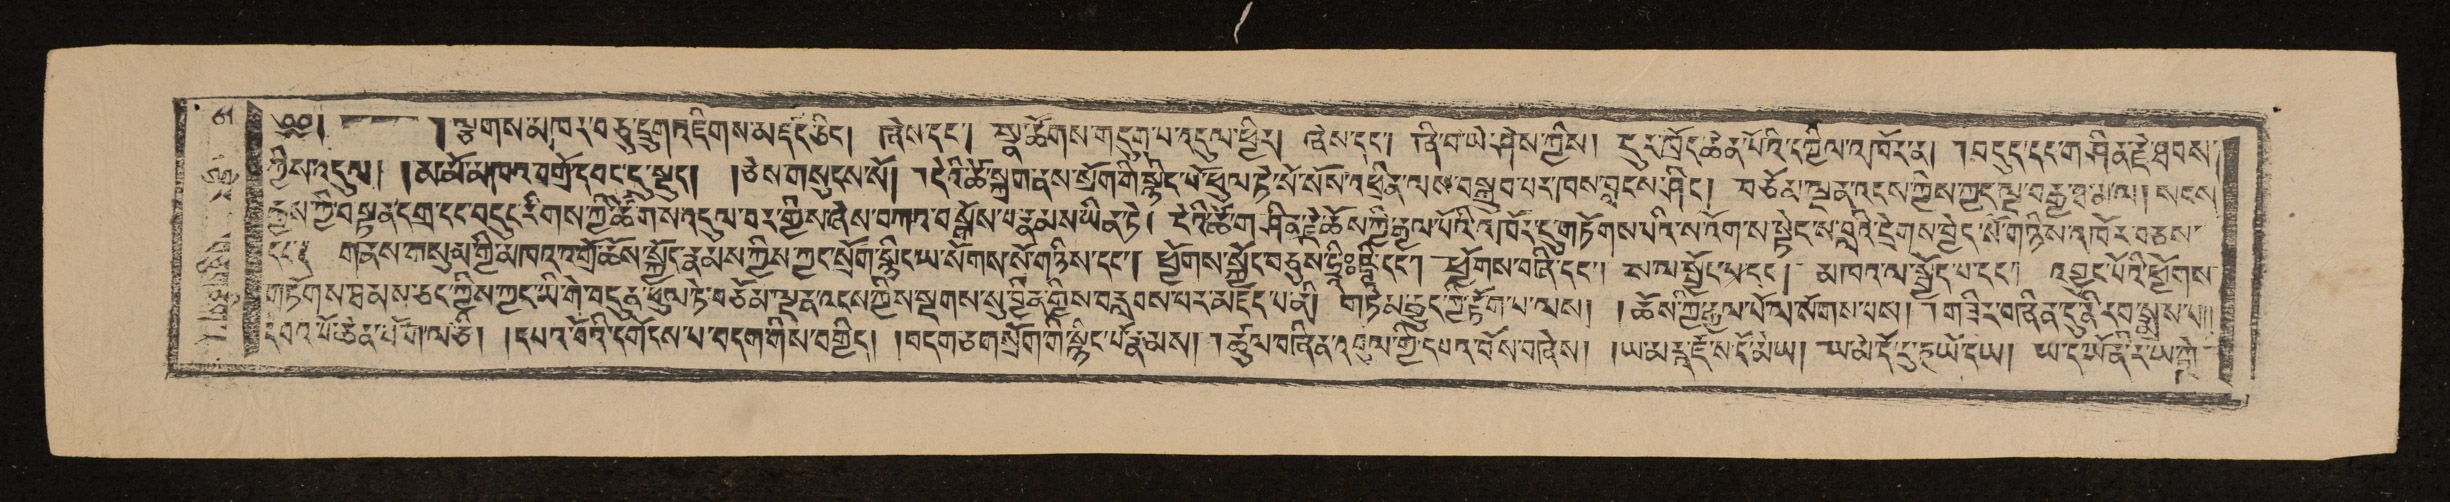༄༅། །ལྕགས་མཁར་བཅུ་དྲུག་འཇིགས་མཛད་ཅིང་། ཞེས་དང་། སྣ་ཚོགས་གདུག་པ་འདུལ་ཕྱིར། ཞེས་དང་། ཞི་བ་ཡེ་ཤེས་ཀྱིས། དུར་ཁྲོད་ཆེན་པོའི་དཀྱིལ་འཁོར་ན། །བདུད་དང་གཤིན་རྗེ་ཐབས་
ཀྱིས་འདུལ། །མ་མོ་མཁའ་འགྲོ་དབང་དུ་སྡུད། །ཅེས་གསུངས་སོ། །དེའི་ཚེ་སྐྲག་ནས་སྲོག་གི་སྙིང་པོ་ཕུལ་ཏེ་སོ་སོས་འཕྲིན་ལས་བསྒྲུབ་པར་ཁས་བླངས་ཤིང་། བཅོམ་ལྡན་འདས་ཀྱིས་ཀྱང་ལྔ་བརྒྱ་ཐ་མ་ལ། སངས་
རྒྱས་ཀྱི་བསྟན་དགྲ་དང་བདུད་རིགས་ཀྱི་ཚོགས་འདུལ་བར་གྱིས་ཞེས་བཀའ་བསྒོས་པ་རྣམས་ཡིན་ཏེ། དེའི་ཚེ་གཤིན་རྗེ་ཆོས་ཀྱི་རྒྱལ་པོའི་འཁོར་དུ་གཏོགས་པའི་ས་འོག་ས་སྟེང་ས་བླའི་དྲེགས་བྱེད་སོ་གཉིས་འཁོར་བཅས་
དང༑ གནས་གསུམ་གྱི་མཁའ་འགྲོ་ཆོས་སྐྱོང་རྣམས་ཀྱིས་ཀྱང་སྲོག་སྙིང་ཡ་སོགས་སོ་གཉིས་དང་། ཕྱོགས་སྐྱོང་བཅུས་ཧྲཱིཿཥྚྲཱི་དང་། ཕྱོགས་བཞི་དང་། ས་ལ་སྤྱོད་པ་དང་། མཁའ་ལ་སྤྱོད་པ་དང་། འབྱུང་པོའི་ཕྱོགས་
གཏོགས་ཐམས་ཅད་ཀྱིས་ཀྱང་ཡི་གེ་བདུན་ཕུལ་ཏེ་བཅོམ་ལྡན་འདས་ཀྱིས་སྔགས་སུ་བྱིན་གྱིས་བརླབས་བར་མཛད་པ་ནི། གཏམ་རྒྱུད་ཀྱི་རྟོག་པ་ལས། ཆོས་ཀྱི་རྒྱལ་པོ་ལ་སོགས་པས། །གཟིར་བཞིན་དུ་ནི་རབ་སྨྲས་པ།།
དཔའ་བོ་ཆེན་པོ་ག་ལ་ཅི། །དཔའ་བོའི་དགོངས་པ་བདག་གིས་བགྱིད། །བདག་ཅག་སྲོག་གི་སྙིང་པོ་རྣམས། །ཚུལ་བཞིན་འབུལ་གྱི་དཔའ་བོས་བཞེས། །ཡ་མ་རཱ་ཛ་ས་དོ་མེ་ཡ། ཡ་མེ་དོ་རུ་ཎ་ཡོ་ད་ཡ། ཡ་ད་ཡོ་ནི་ར་ཡཀྵེ་